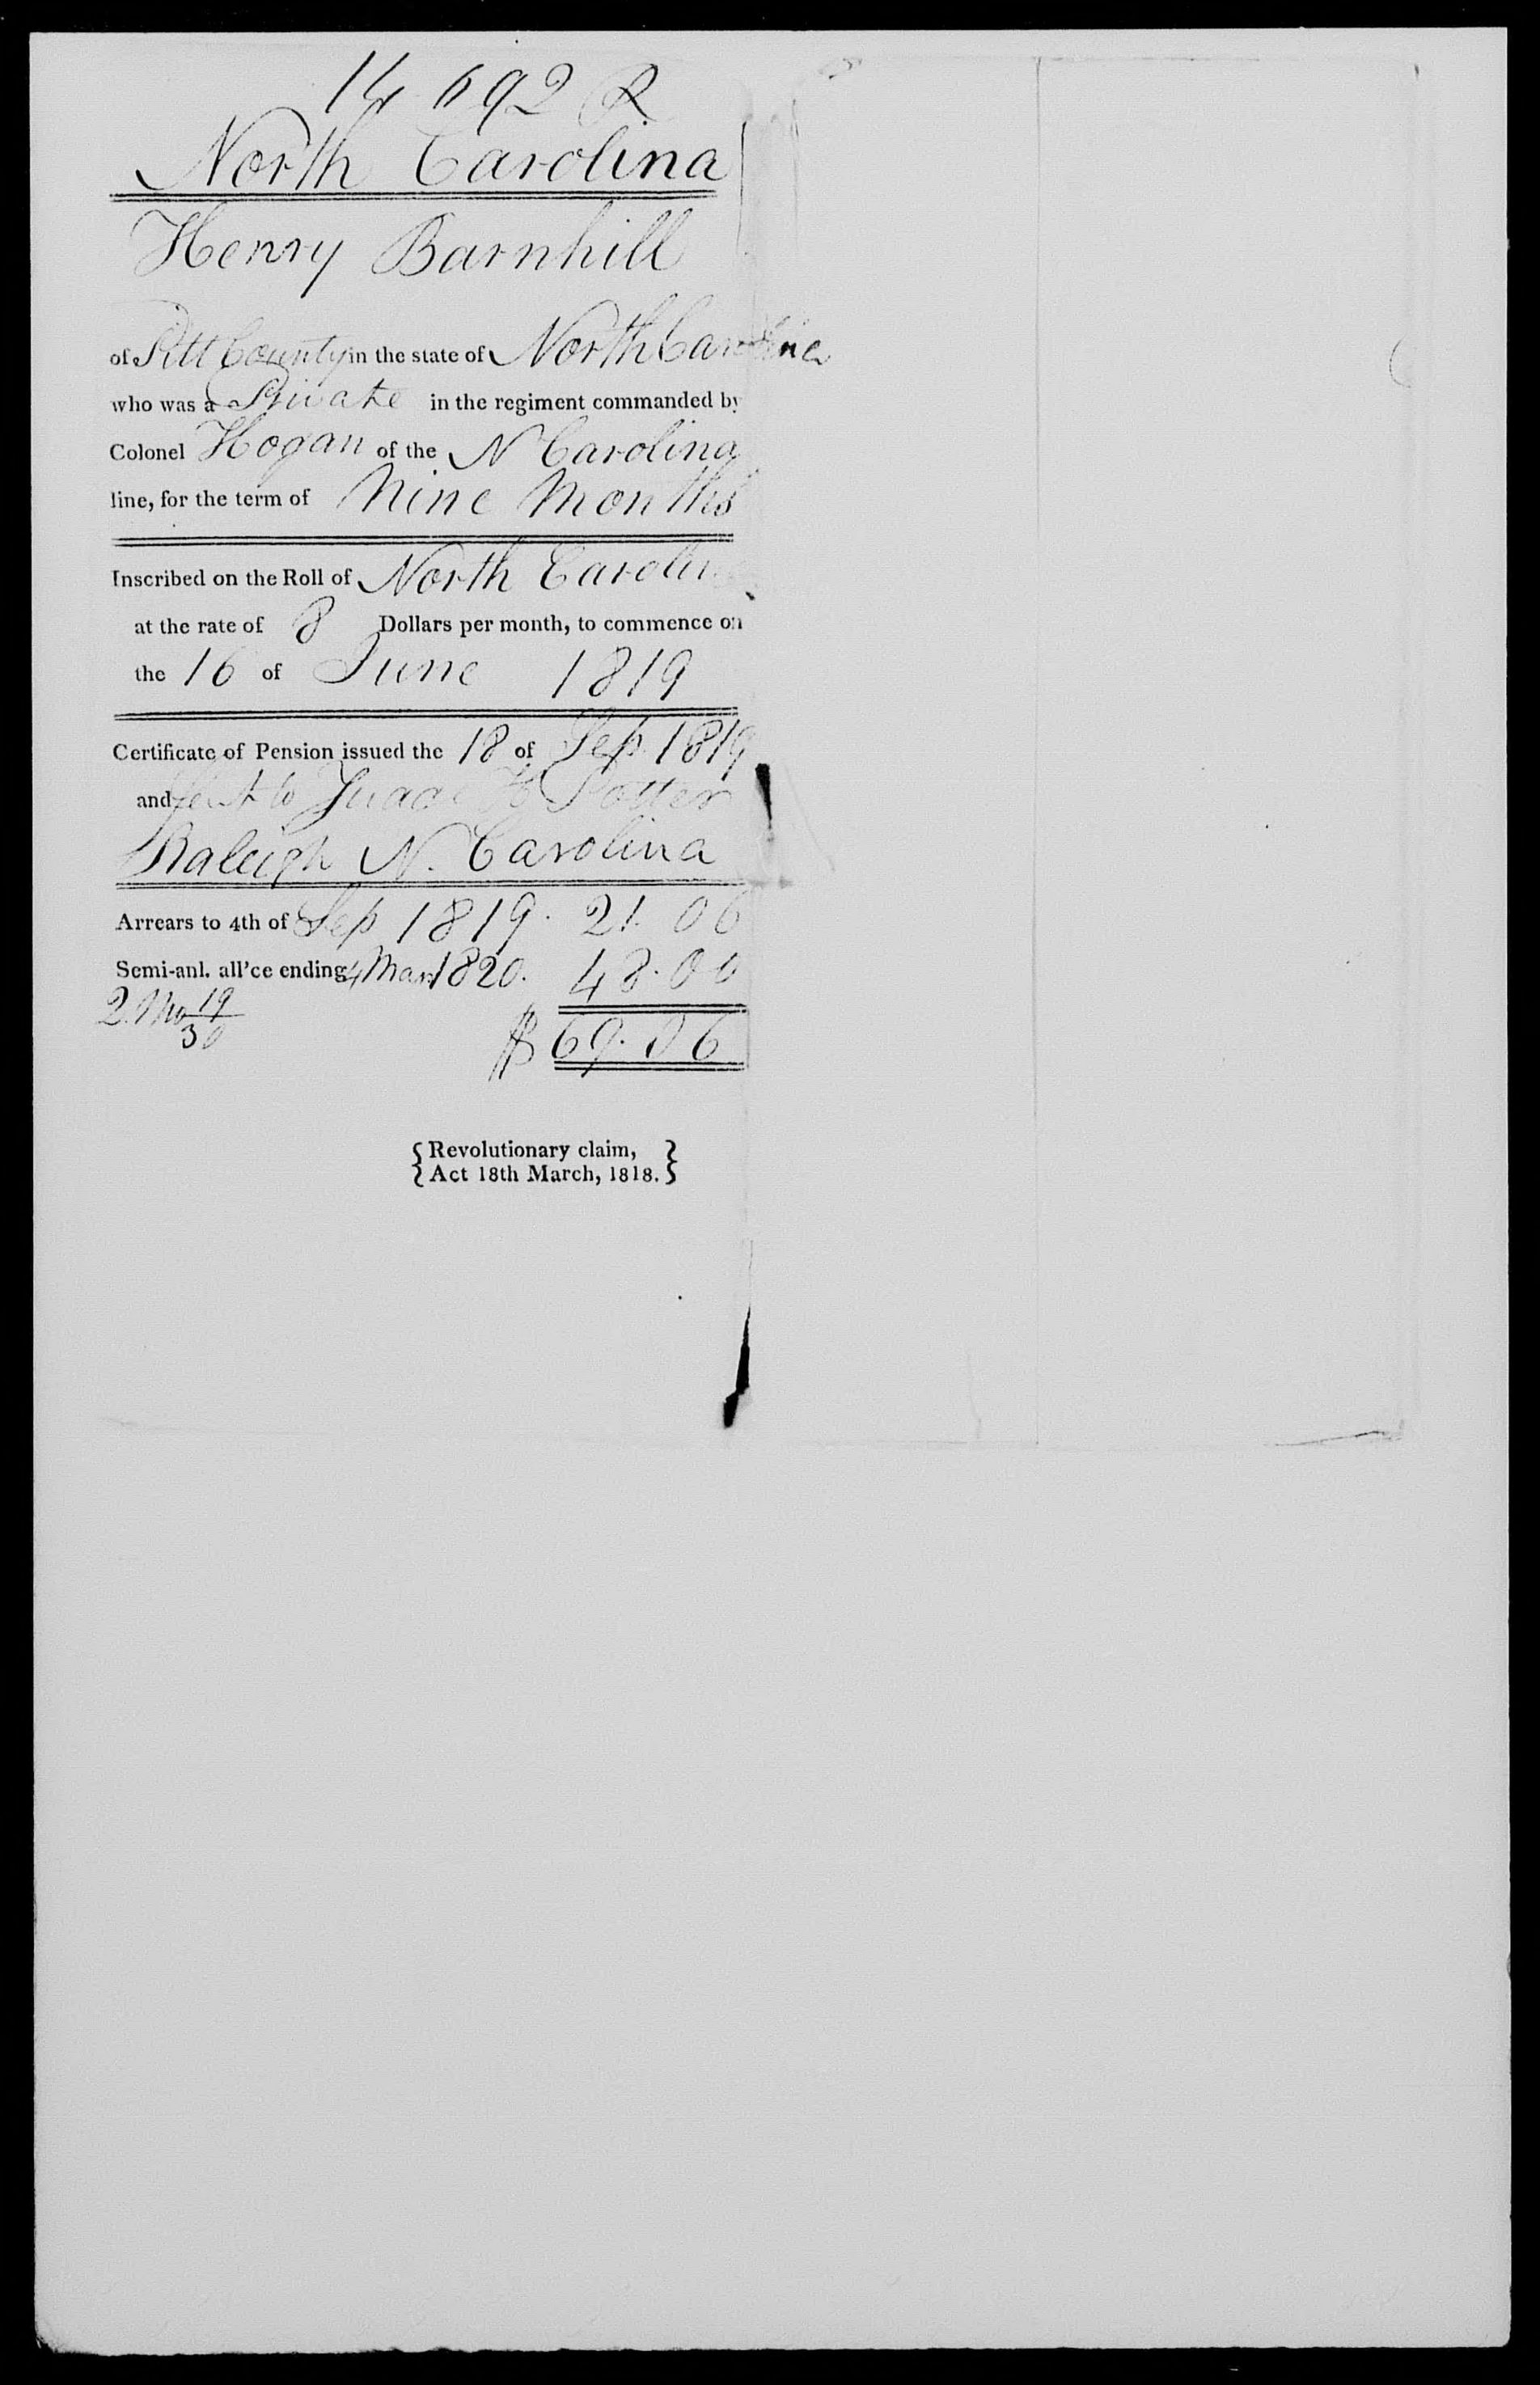14692R
North Carolina
____________
Henry Barnhill
of Pitt County in the state of North Carolina who was a Private in the regiment commanded by Colonel Hogan of the N Carolina line, for the term of nine months
_________________
Inscribed on the Roll of North Carolina at the rate of 8 Dollars per month, to commence on the 16 of June 1819
_______________
Certificate of Pension issued the 18 of Sep. 1819 and sent to Judge H Potter Raleigh N. Carolina
______________
Arrears to 4th of Sep 1819.   21.06
Semi-anl. all'ce ending 4 Mar. 1820.  48.00
2 mo 19/30    ____________
$69.06
_________________

{Revolutionary claim, Act 18th March, 1818. }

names: Henry Barnhill, H Potter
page: 14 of 42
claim: survivor's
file: S. 6579, Henry Barnhill, N. C.